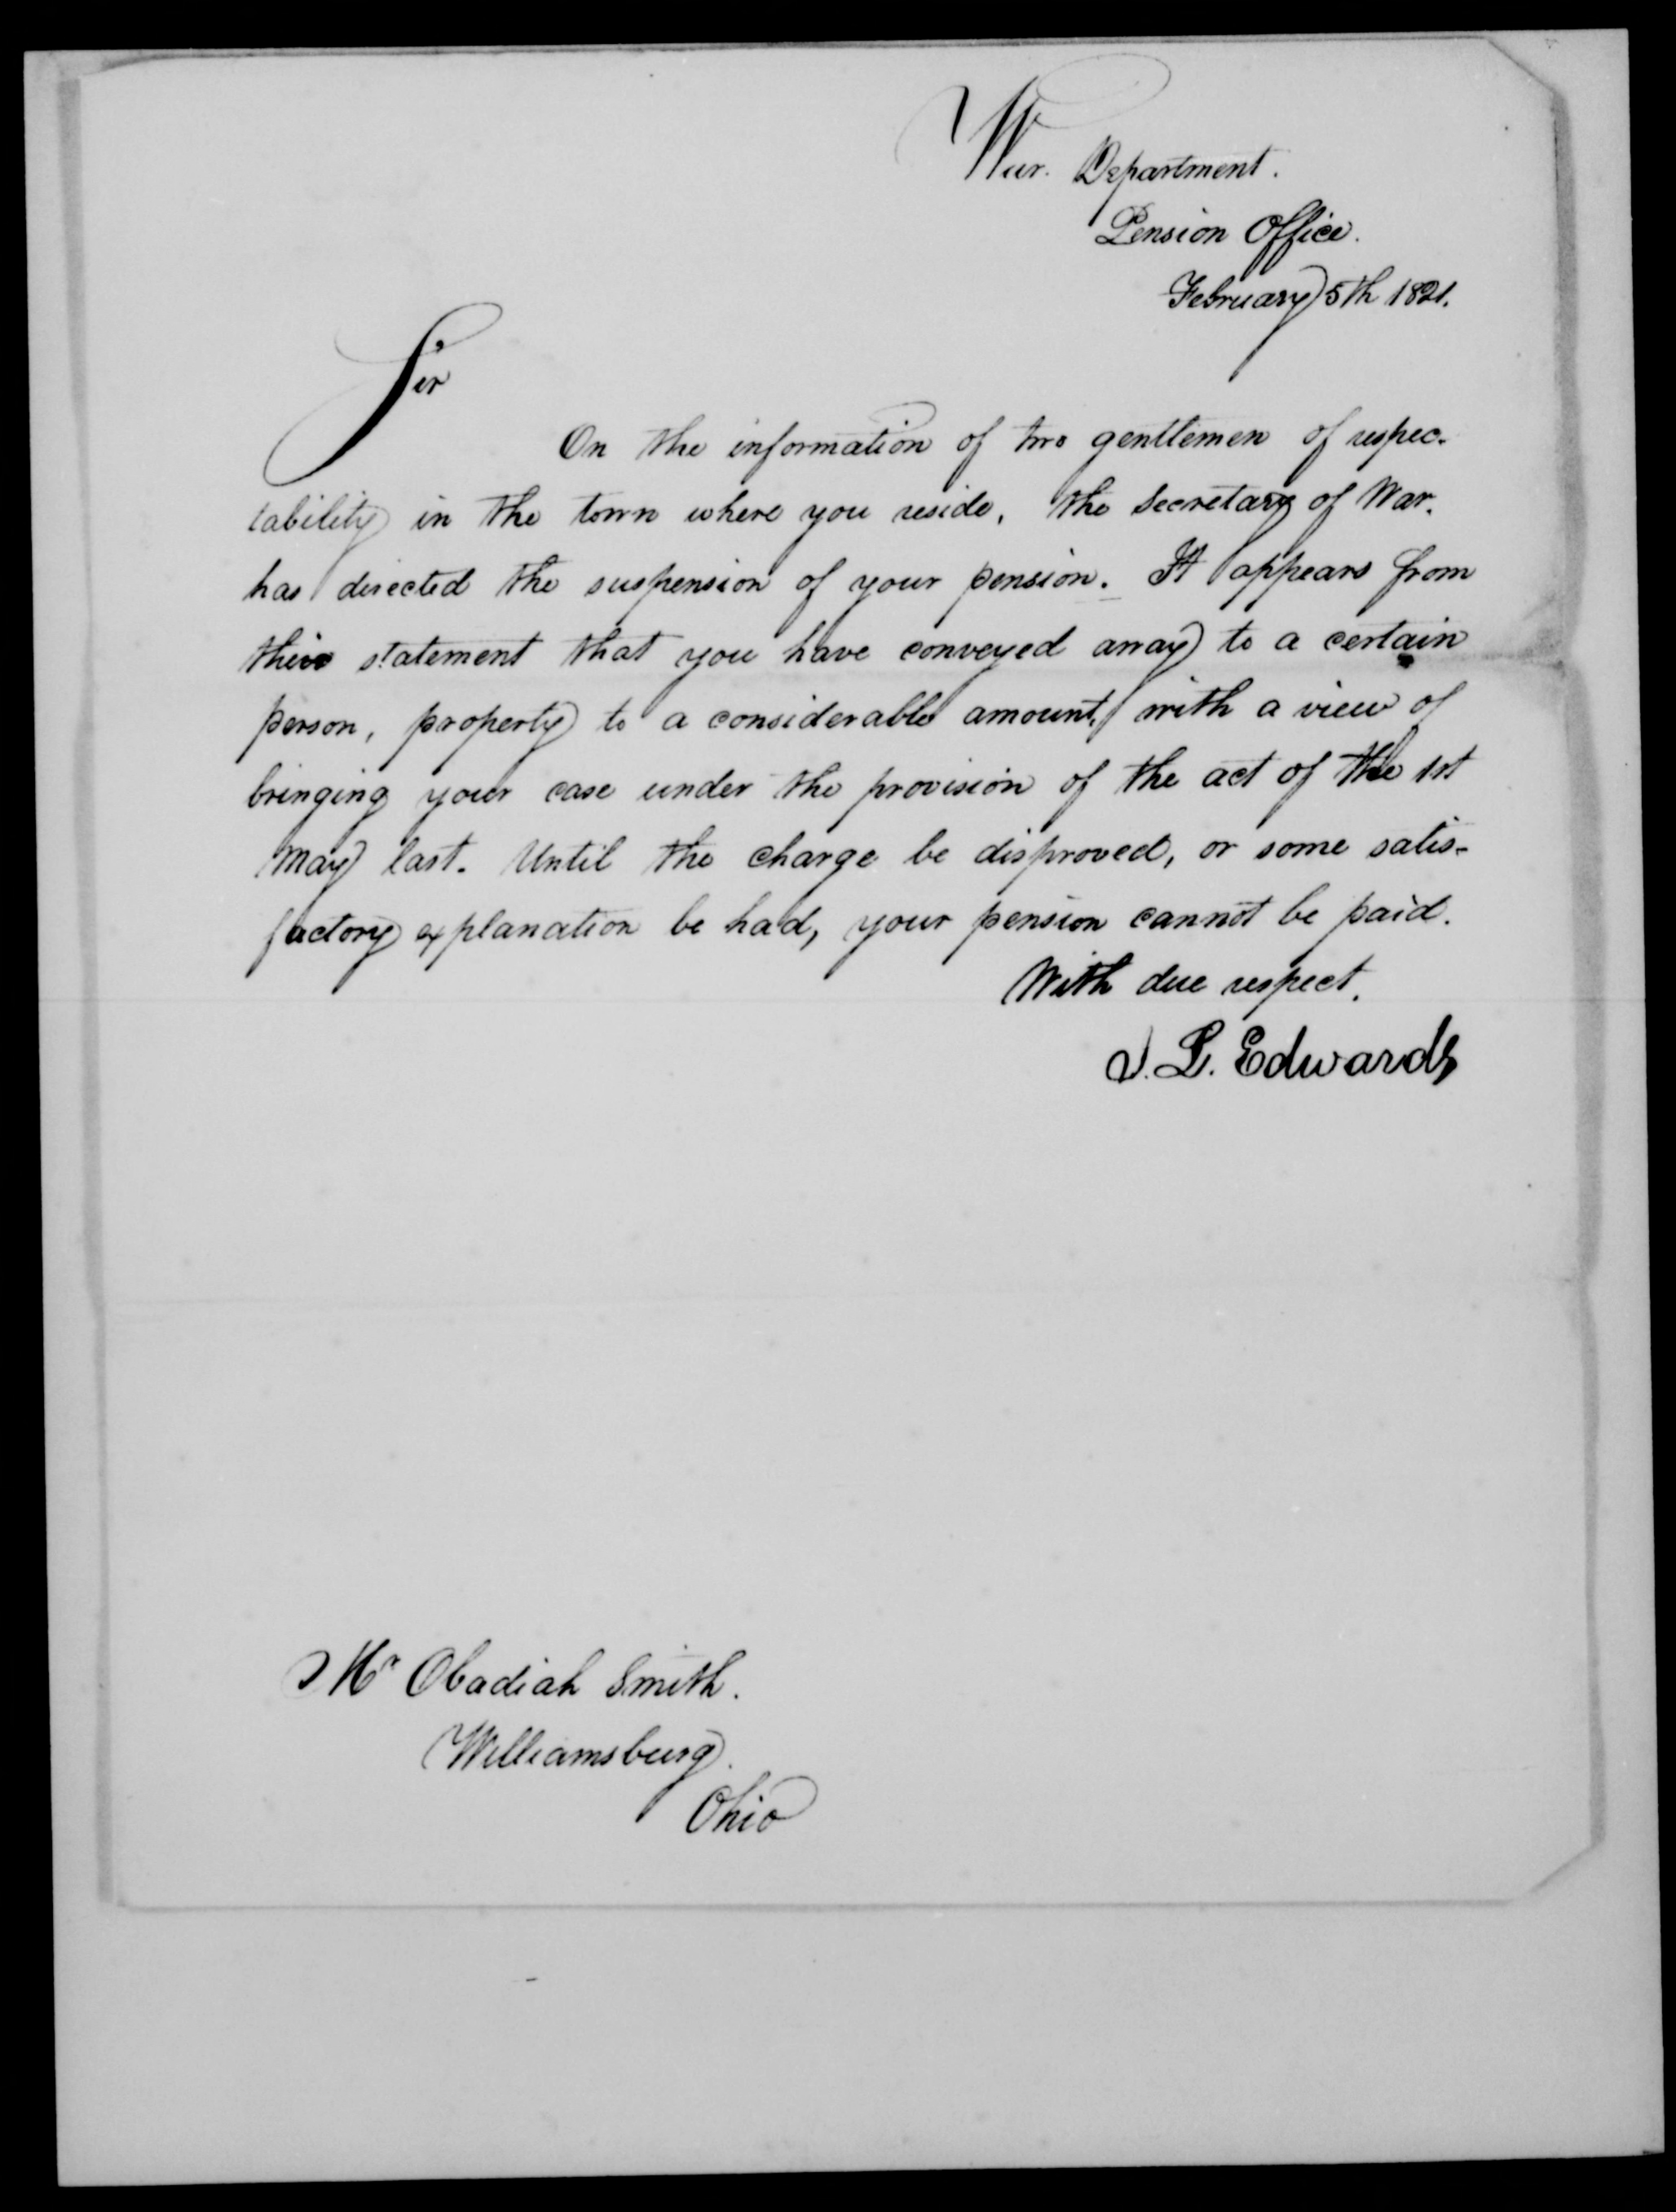War. Department. Pension Office. February 5th 1821. 
Sir On the information of two gentlemen of respectability in the town where you reside, the Secretary of War. has directed the suspension of your pension. It appears from their statement that you have conveyed away to a certain person, property to a considerable amount with a view of bringing your case under the provision of the act of the 1st May last. Until the charge be disproved, or some satisfactory explanation be had, your pension cannot be paid. With due respect. [signature:] J. L. Edwards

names: Obadiah Smith; J L Edwards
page: 35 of 66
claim: survivor's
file: S 40458, for Obadiah Smith, New York